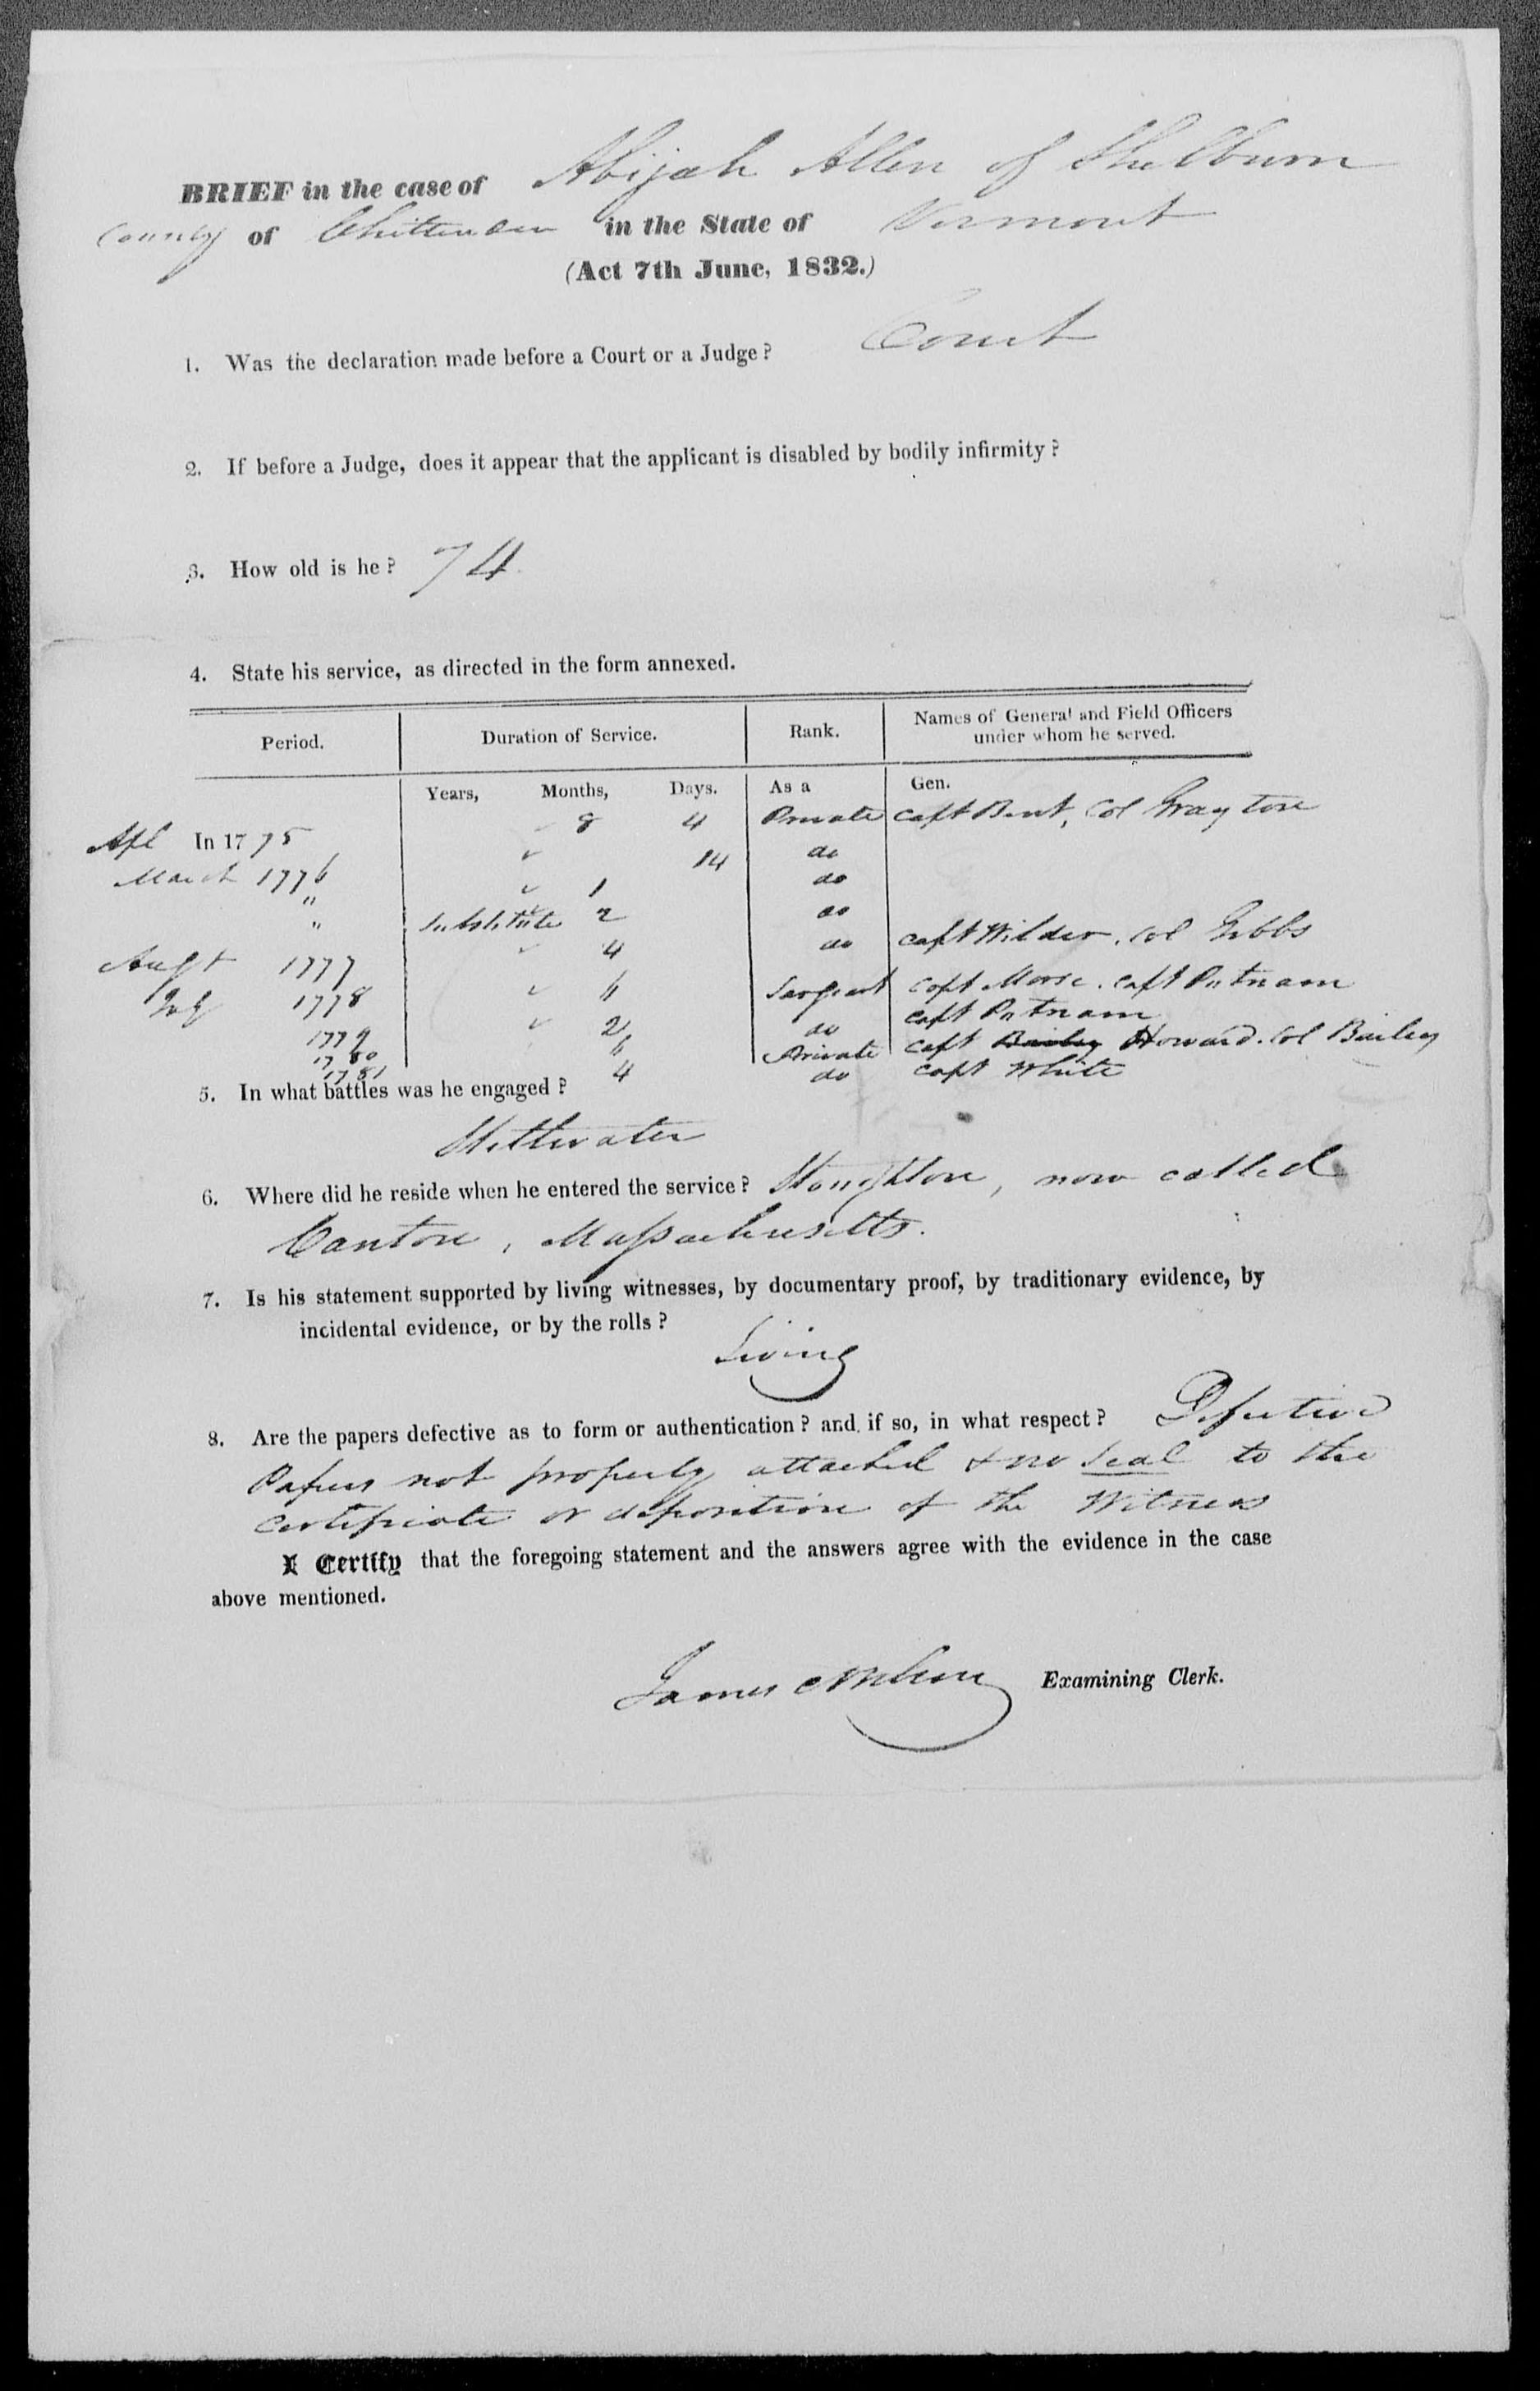BRIEF in the case of Abijah Allen of Shelburn County of Chittenden in the State of Vermont 
(Act 7th June, 1832.)
1. Was the declaration made before a Court or a Judge? Court
2. If before a Judge, does it appear that the applicant is disable by bodily infirmity? 
3. How old is he? 74
4. State his service, as directed in the form annexed. 
Period. | Duration of Service. | Rank. | Names of General and Field Officers under whom he served. 
| | Years, Months, Days. | As a | Gen.
Apl In 1775 | 8 4 | Private | Capt Bent, Col Grayton
March 1776 | 14 | [illegible] |
" | 1 | [illegible] 
" | substitute 2 | [illegible] |
Augt 1777 | 4 | [illegible] | Capt Wilder, Col Gibbs
July 1778 | 6 | Sergeant | Capt Morse, Capt Putnam 
1779 | 2 | [illegible] Capt Putnam 
1780 | 6 | Private | Capt Howard, Col Bailey 
1781 | 4 | [illegible] | Capt White 
5. In what battles was he engaged?
[illegible]
6. Where did he reside when he entered the service? Stoughton, now called Canton, Massachusetts. 
7. Is his statement supported by living witnesses, by documentary proof, by traditionary evidence, by incidental evidence, or by rolls?
Living
8. Are the papers defective as to form or authentication? and if so, in what respect?
Defective papers not properly attached & no seal to the certificate or deposition of the Witness
I Certify that the foregoing statement and the answers agree with the evidence in the case above mentioned. 
James [illegible] Examining Clerk.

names: Moore, Gibbs, James Conlin, Abijah Allen, Howard, Wilder, Bent, White, Putnam, Bailey, Grayton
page: 13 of 21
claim: survivor's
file: S. 15356, Abijah Allen, Mass.